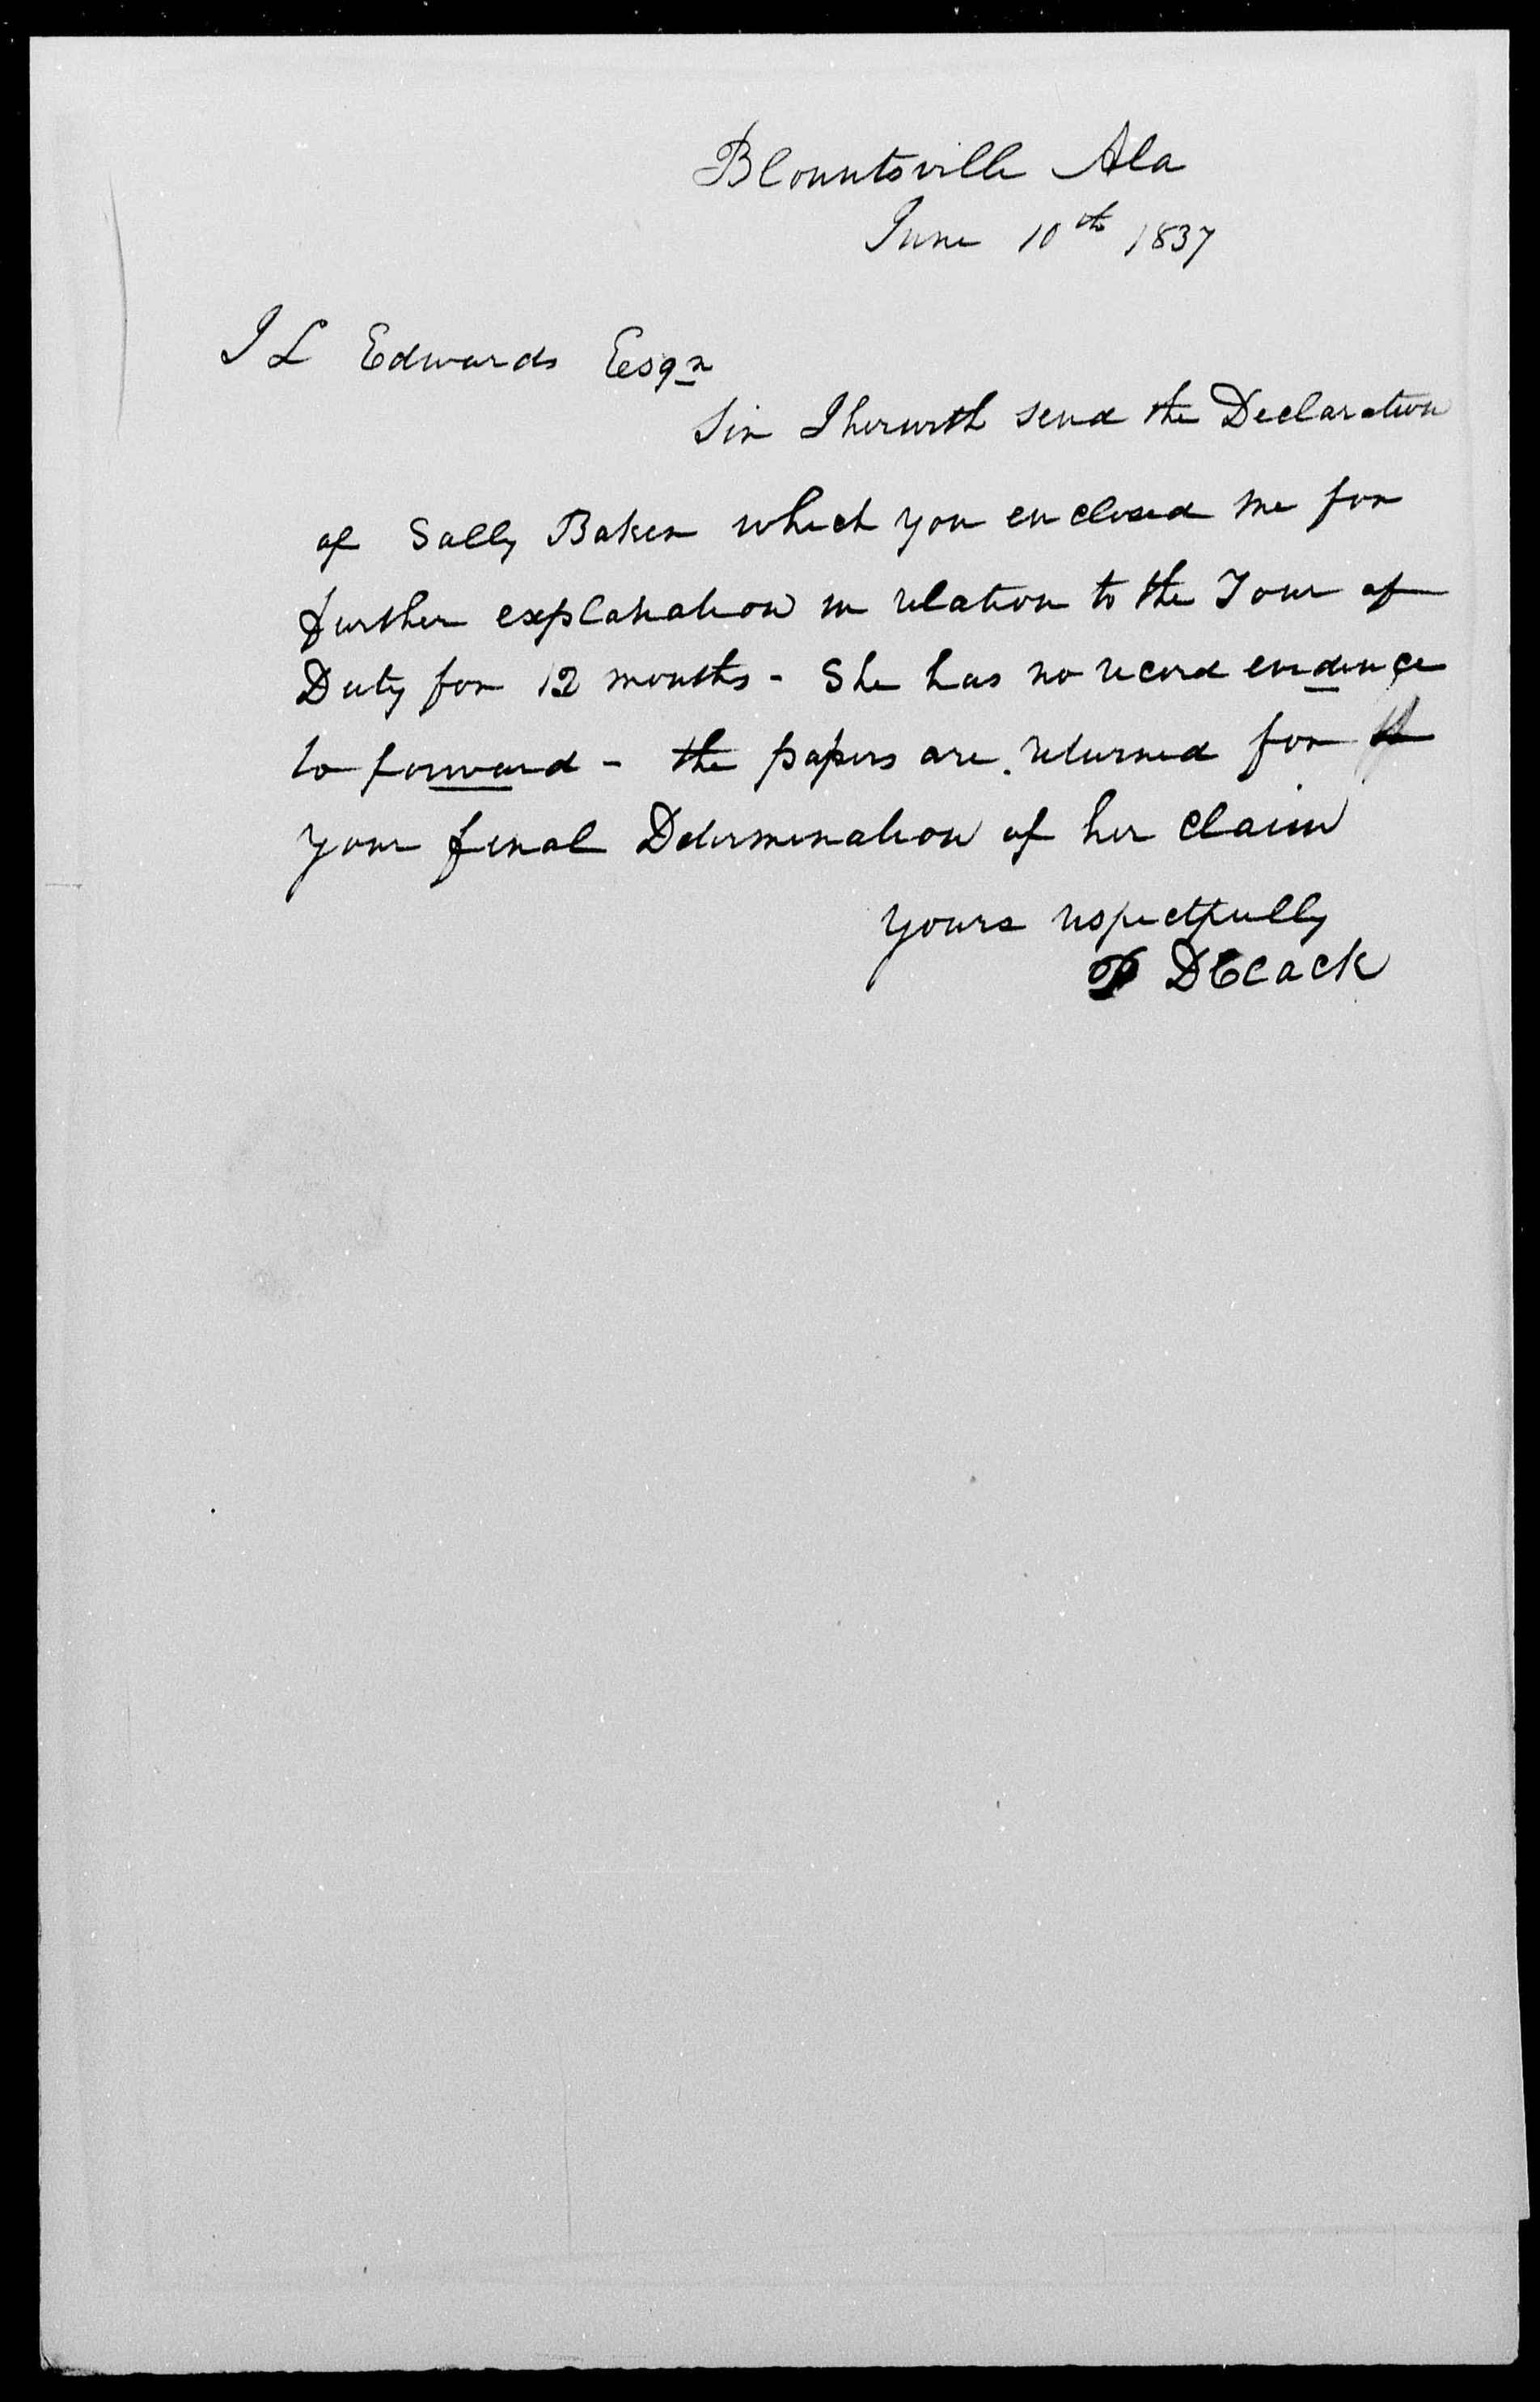Blountsville Ala
June 10th 1837
J L Edwards
Esqr
Sir I herewith send the Declaration
of Sally Baker which you enclosed me for further explanation in relation to the Tour of Duty for 12 months- she has no record evidence to forward - the papers are returned for the
your final Determination of her claim
Yours respectfully
P D Clack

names: Sally Baker, J L Edwards, P D Clack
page: 21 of 22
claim: rejected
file: R. 411, Elisha Baker, N.C.